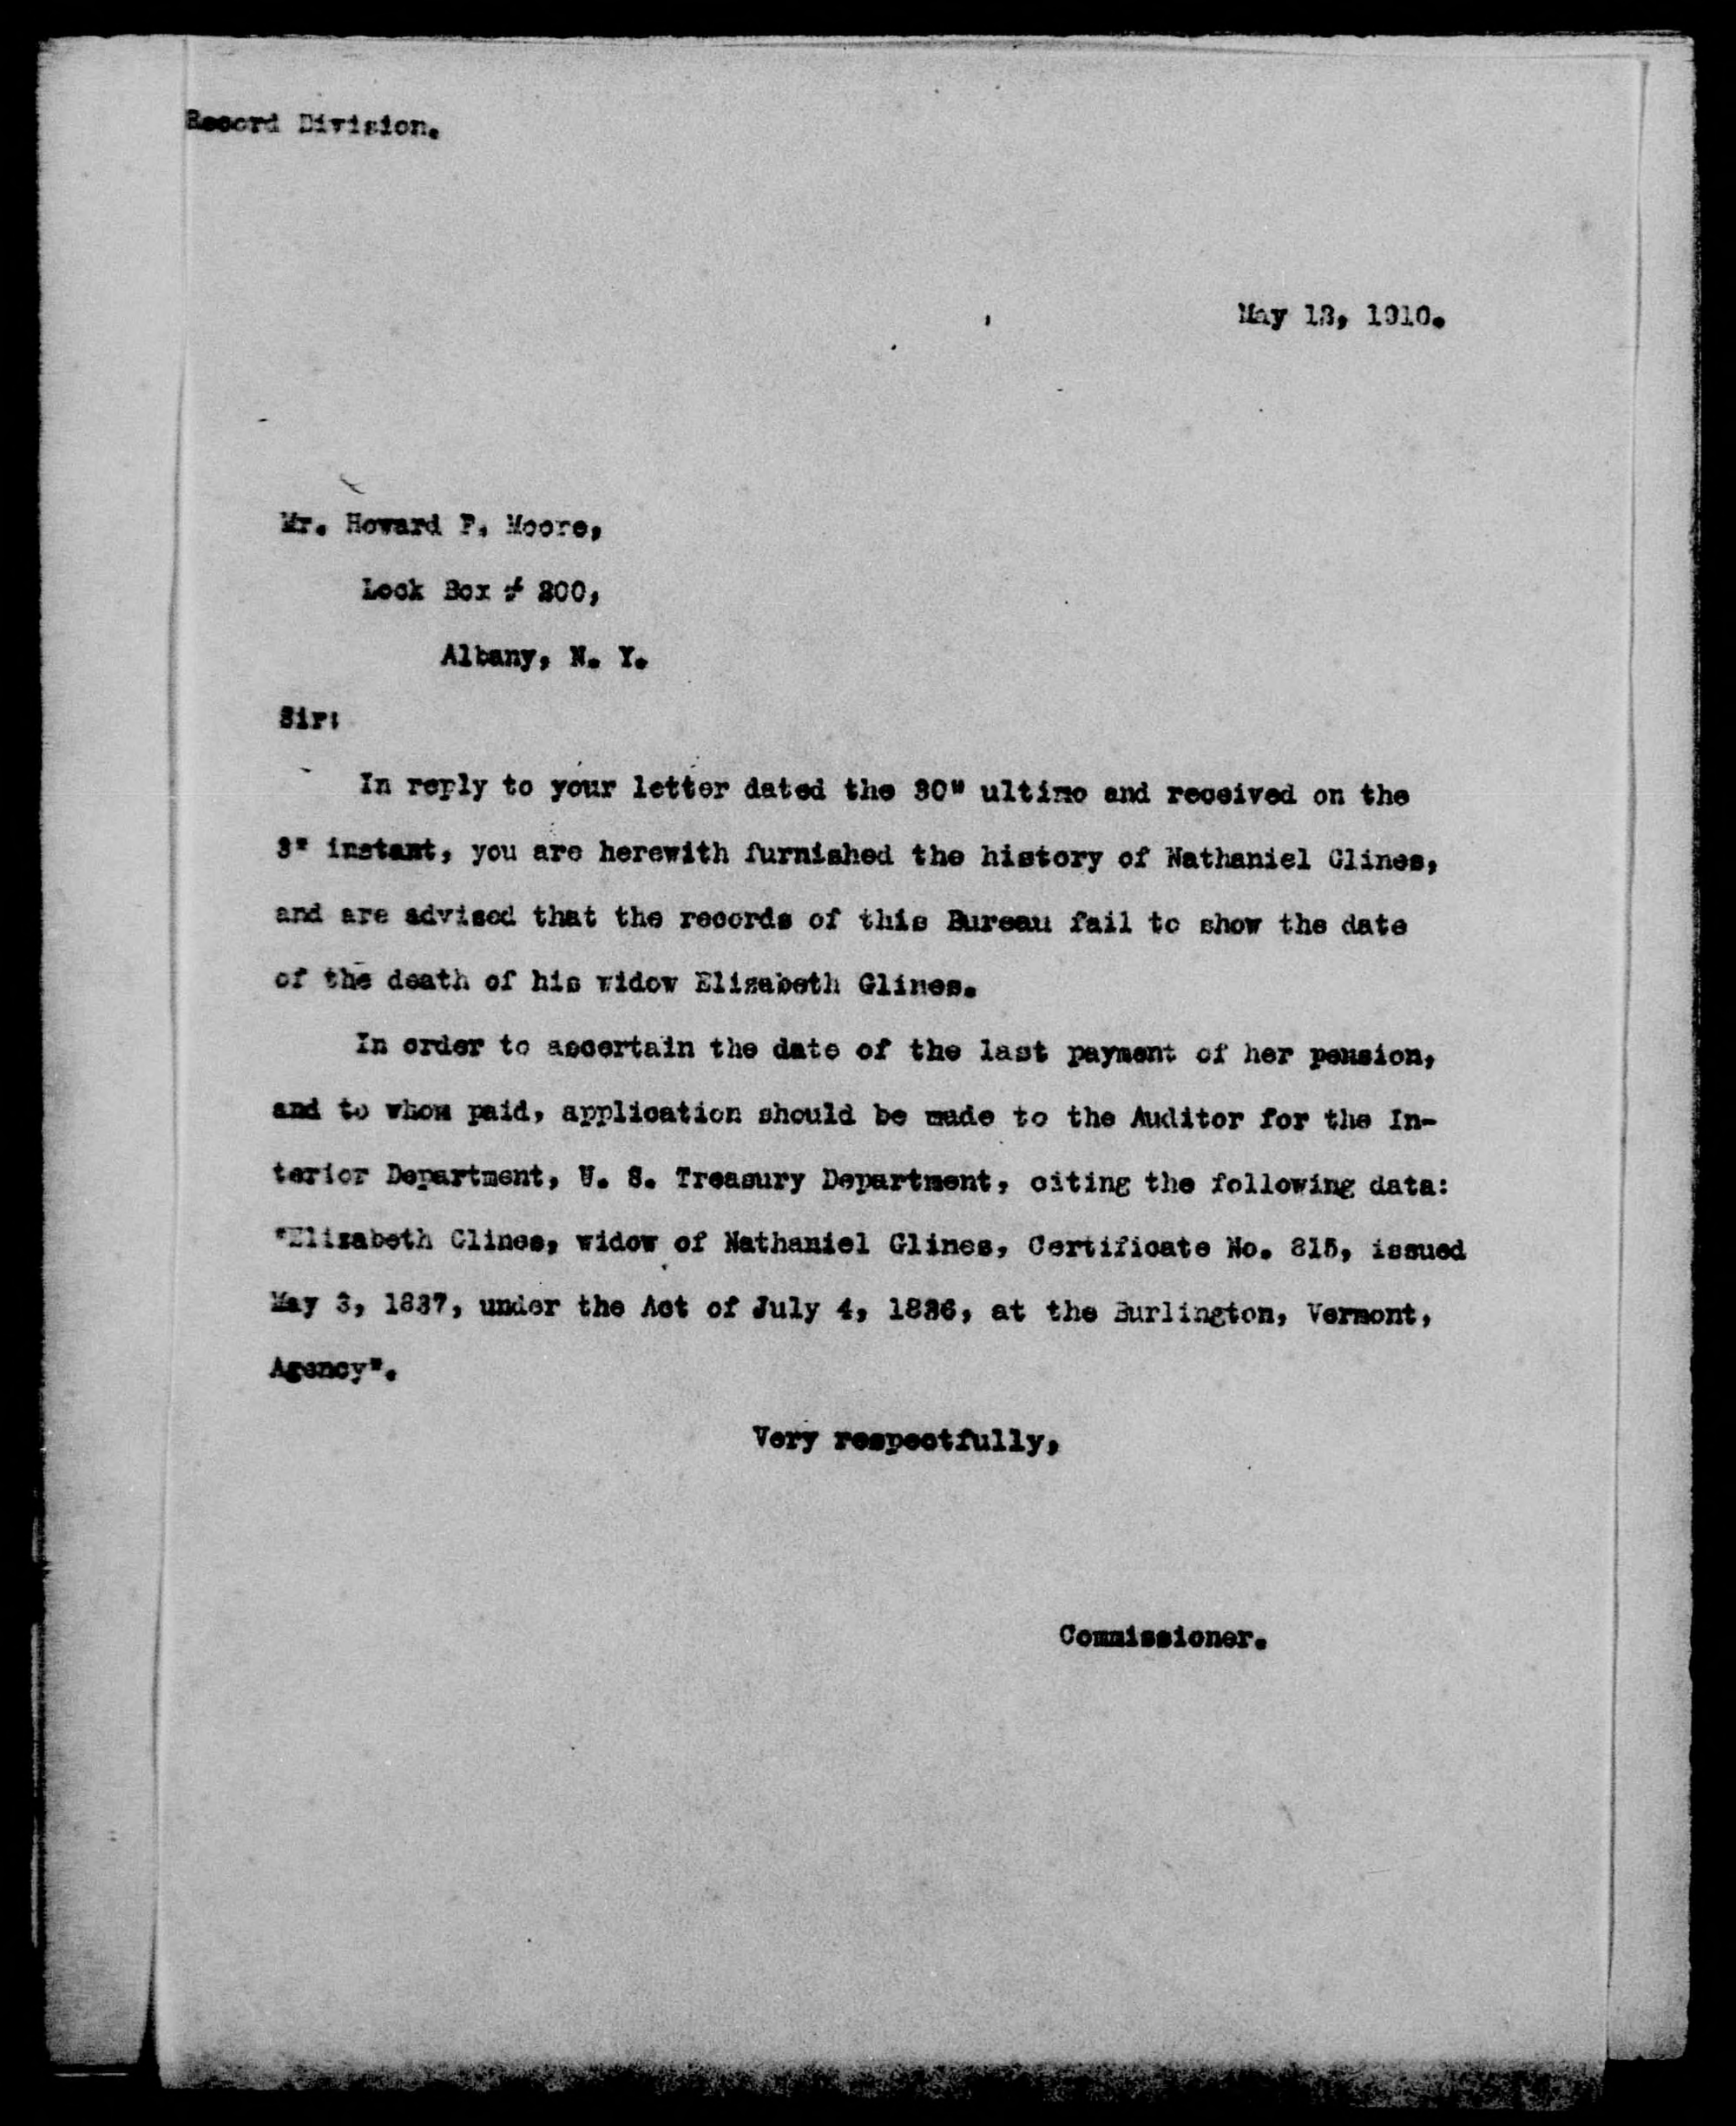Record Division.

May 13, 1910.

Mr. Howard P. Moore,
Lock Box # 800,
Albany, N. Y.

Sir:

In reply to your letter dated the 30" ultimo and received on the 3" instant, you are herewith furnished the history of Nathaniel Glines, and are advised that the records of this Bureau fail to show the date of the death of his widow Elizabeth Glines.

In order to ascertain the date of the last payment of her pension, and to whom paid, application should be made to the Auditor for the Interior Department, U. S. Treasury Department, citing the following data:  "Elizabeth Glines, widow of Nathaniel Glines, Certificate No. 815, issued May 3, 1837, under the Act of July 4, 1836, at the Burlington, Vermont, Agency".

Very respectfully,
Commissioner.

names: Elizabeth Glines, Howard P Moore, Nathaniel Glines, Nathaniel Glines, Elizabeth Glines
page: 29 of 29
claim: widow's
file: W. 24,282, Nathaniel Glines, N.H.